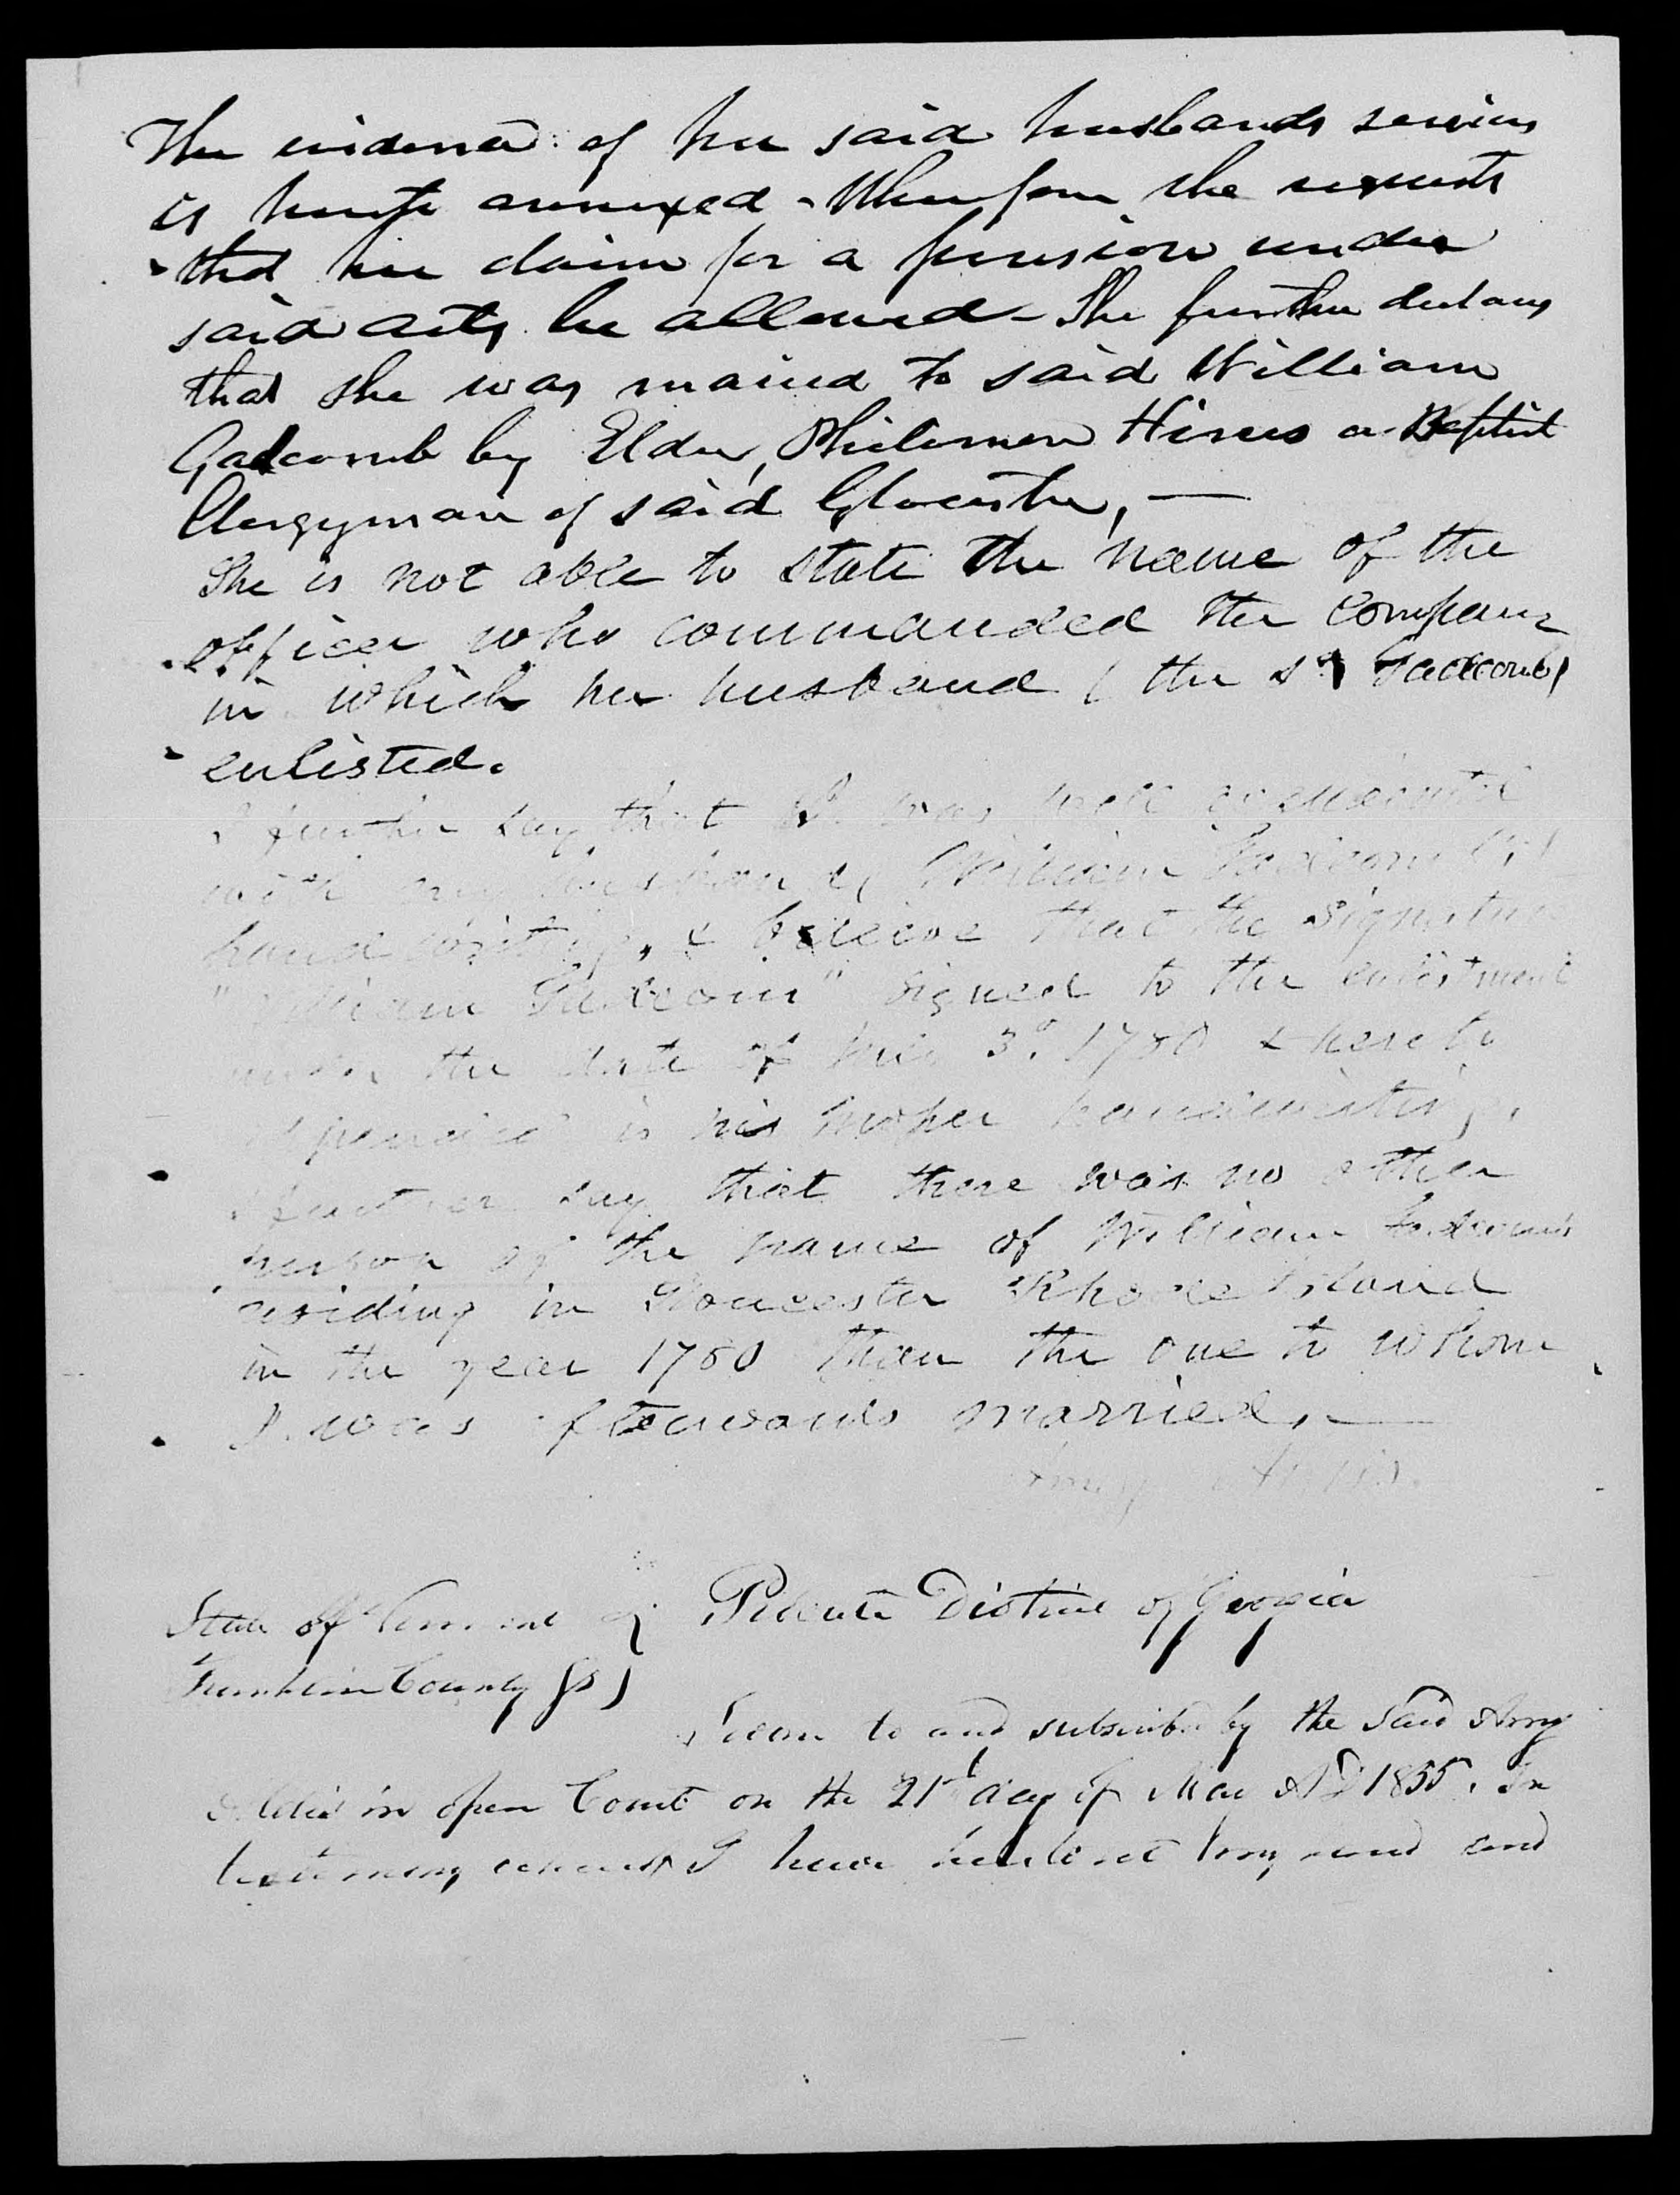The evidence of her said husband’s services
is hereto annexed. Wherefor she requests 
that her claim for a pension under
said acts be allowed. She further declares 
that she was married to said William
Gadcomb by Elder Philemon Hines a Baptist
Clergyman of said Glocester.
She is not able to state the name of the
officer who commanded the company
in which her husband the said Gadcomb 
enlisted.
I further say that I was well acquainted 
with my husband’s William Gadcomb
hand writing & believe that the signature
“William Gadcomb" signed to the enlistment
Under the date of Jul 3d 1780 & hereto
appended is his proper handwriting. 
I further say that there was no other
person of the name of William Gadcomb 
residing in Gloucester Rhode Island
in the year 1780 than the one to whom
I was afterwards married,-
Amey Aldis
State of Vermont
Franklin County} ss
Probate District of Georgia
Sworn to and subscribed by the said Amey 
Aldis in open Court on the 21st day of May AD 1855. In
testimony whereof I have hereto set my hand and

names: Philemon Hines, Amey Aldis, Amey Aldis, William Gadcomb, William Gadcomb, William Gadcomb, William Gadcomb, Gadcomb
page: 6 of 76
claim: widow's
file: W. 15,517, William Gadcomb, R.I.